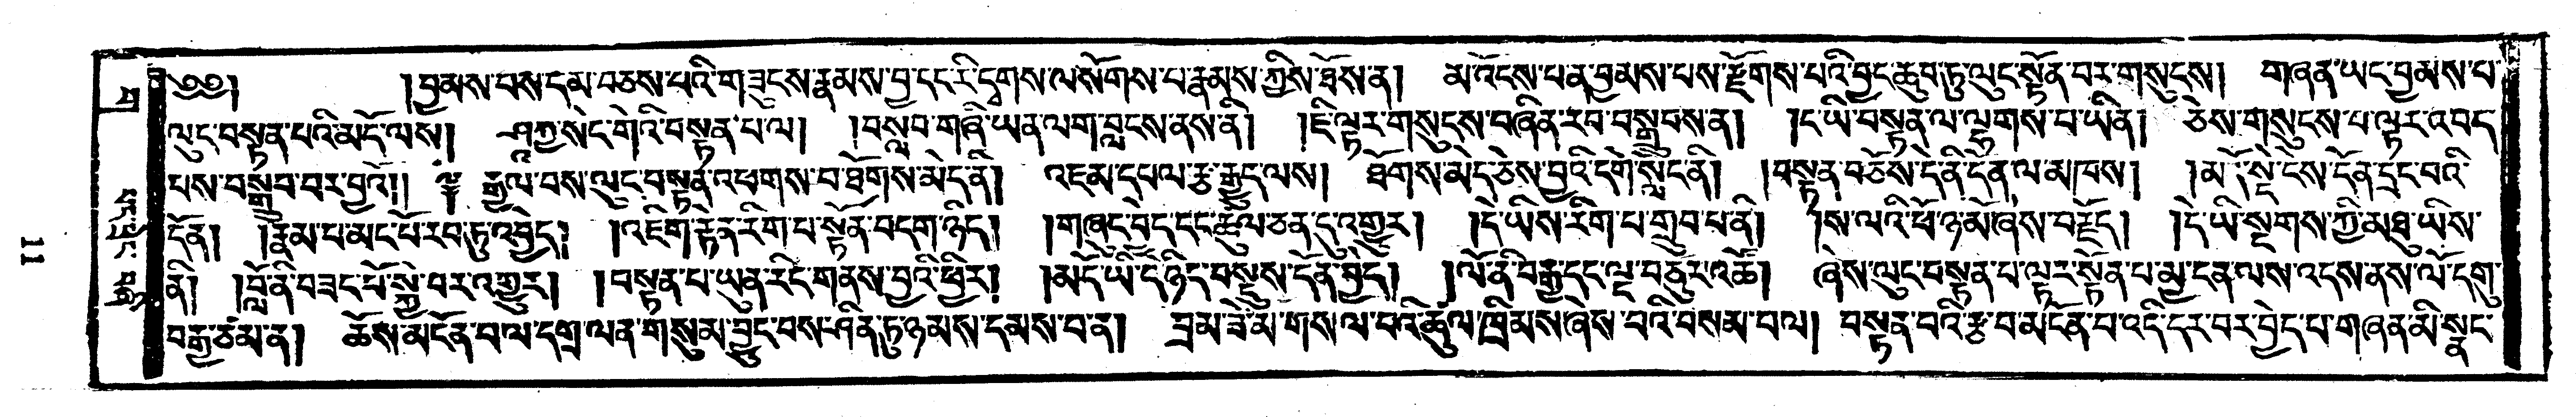༄༅། །བྱམས་པས་དམ་བཅས་པའི་གཟུངས་རྣམས་བྱ་དང་རི་དྭགས་ལ་སོགས་པ་རྣམས་ཀྱིས་ཐོས་ན། མ་འོངས་པ་ན་བྱམས་པས་རྫོགས་པའི་བྱང་ཆུབ་ཏུ་ལུང་སྟོན་པར་གསུངས། གཞན་ཡང་བྱམས་པ་
ལུང་བསྟན་པའི་མདོ་ལས། ཤཱཀྱ་སེང་གེའི་བསྟན་པ་ལ། །བསླབ་གཞི་ཡན་ལག་བླངས་ནས་ནི། །ཇི་ལྟར་གསུངས་བཞིན་རབ་བསྒྲུབས་ན། །ང་ཡི་བསྟན་ལ་ལྷགས་པ་ཡིན། ཅེས་གསུངས་པ་ལྟར་འབད་
པས་བསྒྲུབ་བར་བྱའོ།། ༈ རྒྱལ་བས་ལུང་བསྟན་འཕགས་པ་ཐོགས་མེད་ནི། འཇམ་དཔལ་རྩ་རྒྱུད་ལས། ཐོགས་མེད་ཅེས་བྱའི་དགེ་སློང་ནི། །བསྟན་བཅོས་དེ་ནི་དོན་ལ་མཁས། །མདོ་སྡེ་ངེས་དོན་དྲང་བའི་
དོན། །རྣམ་པ་མང་པོ་རབ་ཏུ་འབྱེད། །འཇིག་རྟེན་རིག་པ་སྟོན་བདག་ཉིད། །གཞུང་བྱེད་དང་ཚུལ་ཅན་དུ་འགྱུར། །དེ་ཡིས་རིག་པ་གྲུབ་པ་ནི། །ས་ལའི་ཕོ་ཉ་མོ་ཞེས་བརྗོད། །དེ་ཡི་སྔགས་ཀྱི་མཐུ་ཡིས་
ནི། །བློ་ནི་བཟང་པོ་སྐྱེ་བར་འགྱུར། །བསྟན་པ་ཡུན་རིང་གནས་བྱའི་ཕྱིར། །མདོ་ཡི་དེ་ཉིད་བསྡུས་དོན་བྱེད། །ལོ་ནི་བརྒྱ་དང་ལྔ་བཅུར་འཚོ། །ཞེས་ལུང་བསྟན་པ་ལྟར་སྟོན་པ་མྱ་ངན་ལས་འདས་ནས་ལོ་དགུ་
བརྒྱ་ཙམ་ན། ཆོས་མངོན་བ་ལ་དགྲ་ལན་གསུམ་བྱུང་བས་ཤིན་ཏུ་ཉམས་དམས་བ་ན། བྲམ་ཟེ་མ་གསལ་བའི་ཚུལ་ཁྲིམས་ཞེས་པའི་བསམ་པ་ལ། བསྟན་པའི་རྩ་བ་མངོན་པ་འདི་དར་བར་བྱེད་པ་གཞན་མི་སྣང་